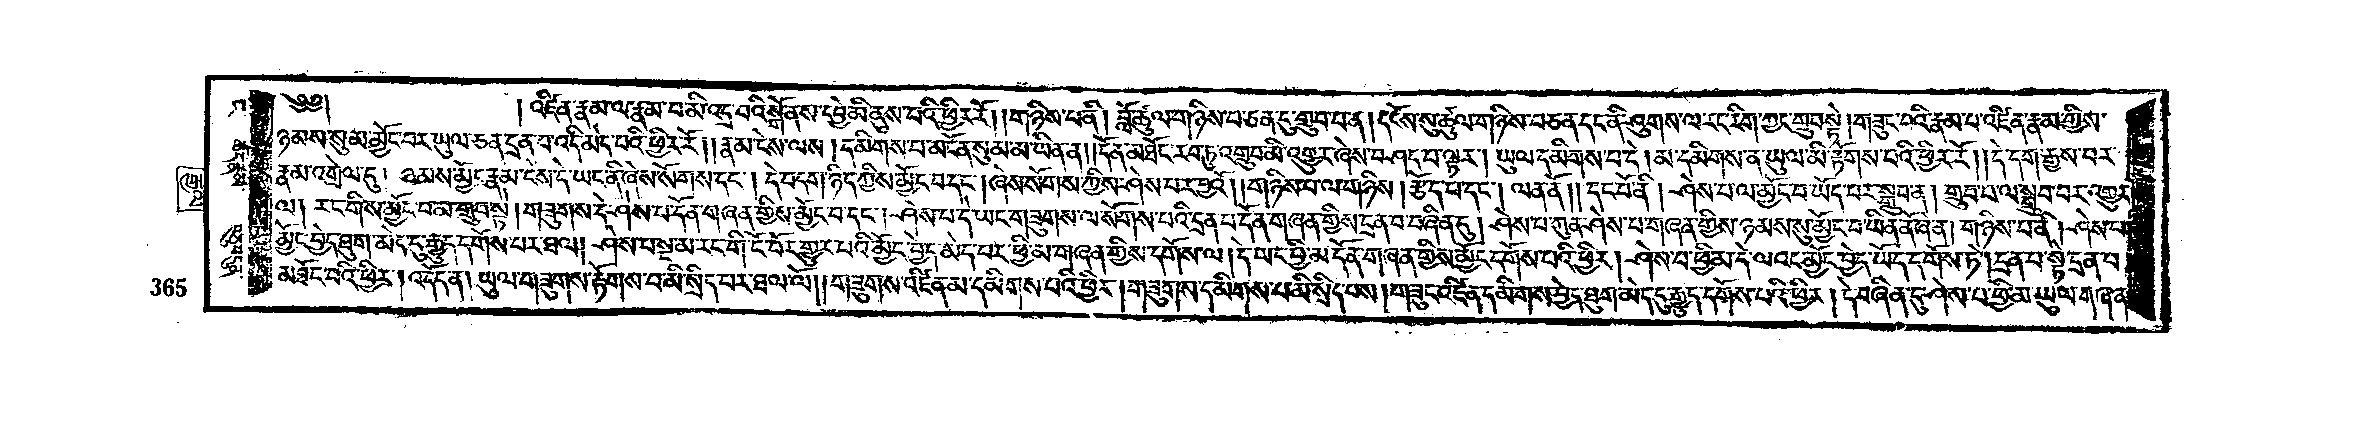༄༅། །འཛིན་རྣམ་ལ་རྣམ་པ་མི་འདྲ་བའི་སྒོ་ནས་དབྱེ་མི་ནུས་པའི་ཕྱིར་རོ། །གཉིས་པ་ནི། བློ་ཚུལ་གཉིས་པ་ཅན་དུ་གྲུབ་པ་ན། དངོས་སུ་ཚུལ་གཉིས་པ་ཅན་དང་ནི་ཤུགས་ལ་རང་རིག་ཀྱང་གྲུབ་སྟེ། གཟུང་བའི་རྣམ་པ་འཛིན་རྣམ་གྱིས་
ཉམས་སུ་མ་མྱོང་བར་ཡུལ་ཅན་དྲན་པ་འདི་མེད་པའི་ཕྱིར་རོ། །རྣམ་ངེས་ལས། དམིགས་པ་མངོན་སུམ་མ་ཡིན་ན། །དོན་མཐོང་རབ་ཏུ་འགྲུབ་མི་འགྱུར་ཞེས་བཤད་པ་ལྟར། ཡུལ་དམིགས་པ་ད་དེ། མ་དམིགས་ན་ཡུལ་མི་རྟོགས་པའི་ཕྱིར་རོ། །དེ་དག་རྒྱས་པར་
རྣམ་འགྲེལ་དུ། ཉམས་མྱོང་རྣམ་ངེས་དེ་ཡང་ནི་ཞེས་སོགས་དང་། དེ་བདག་ཉིད་ཀྱིས་མྱོང་བ་དང་། ཞེས་སོགས་ཀྱིས་ཤེས་པར་བྱའོ། །གཉིས་ཨ་ལ་གཉིས། རྩོད་པ་དང་། ལན་ནོ། །དང་པོ་ནི། ཤེས་པ་ལ་མྱོང་བ་ཡོད་པར་སྒྲུབ་ན། གྲུབ་པ་ལ་སྒྲུབ་པར་འགྱུར་
ལ། རང་གིས་མྱོང་བ་མ་གྲུབ་སྟེ། གཟུགས་དེ་ཤེས་པ་དོན་གཞན་གྱིས་མྱོང་བ་དང་། ཤེས་པ་དེ་ཡང་གཟུགས་ལ་སོགས་པའི་དྲན་པ་དོན་པ་དོན་གཞན་གྱིས་དྲན་པ་བཞིན་དུ། ཤེས་པ་ཀུན་ཤེས་པ་གཞན་གྱིས་ཉམས་སུ་མྱོང་བ་ཡིན་ནོ་ཞེ་ན། གཉིས་པ་ནི། ཤེས་པ་
མྱོང་བྱེད་ཐུག་མེད་དུ་རྒྱུད་དགོས་པར་ཐལ། ཤེས་པ་སྔ་མ་རང་གི་ངོ་བོར་གྱུར་པའི་མྱོང་བྱེད་མེད་པར་ཕྱི་མ་གཞན་གྱིས་དགོས་ལ། དེ་ཡང་བྱི་མ་དོན་གཞན་གྱིས་མྱོང་དགོས་པའི་ཕྱིར། ཤེས་པ་ཕྱི་མ་དེ་ལའང་མྱོང་བྱེད་ཡོད་དགོས་ཏེ། དྲན་པ་སྟེ་དྲན་པ་
མཐོང་བའི་ཕྱིར། འདོད་ན། ཡུལ་གཟུགས་རྟོགས་པ་མི་སྲིད་པར་ཐལ་ལོ། །གཟུགས་འཛིན་མ་དམིགས་པའི་ཕྱིར། གཟུགས་དམིགས་པ་མི་སྲིད་པས། གཟུང་འཛིན་དམིགས་བྱེད་ཐུག་མེད་དུ་རྒྱུད་དགོས་པའི་ཕྱིར། དེ་བཞིན་དུ་ཤེས་པ་ཕྱི་མ་ཡུལ་གཞན་